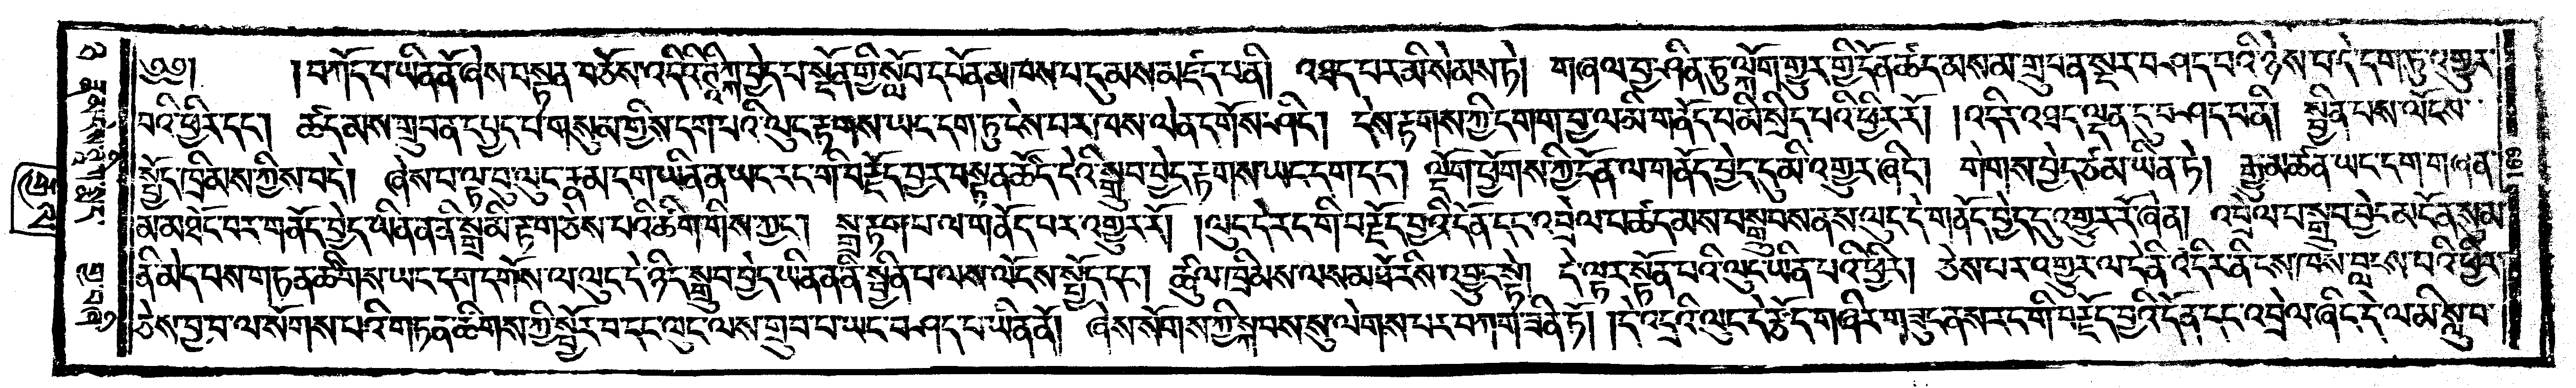༄༅། །བཀོད་པ་ཡིན་ནོ་ཞེས་བསྟན་བཅོས་འདིའི་ཊཱིཀྐ་བྱེད་པ་སྔོན་གྱི་སློབ་དཔོན་མཁས་པ་དུ་མས་མཛད་པ་ནི། འཐད་པར་མི་སེམས་ཏེ། གཞལ་བྱ་ཤིན་ཏུ་ལྐོག་གྱུར་གྱི་དོན་ཚད་མས་མ་གྲུབ་ན་སྔར་བཤད་པའི་ཉེས་བདེ་དག་ཏུ་འགྱུར་
བའི་ཕྱིར་དང་། ཚད་མས་གྲུབ་ན་དཔྱད་པ་གསུམ་གྱིས་དག་པའི་ལུང་རྟགས་ཡང་དག་ཏུ་ངེས་པར་ཁས་ལེན་དགོས་ཤིང་། དེས་རྟགས་ཀྱི་དགག་བྱ་ལ་མི་གནོད་པ་མི་སྲིད་པའི་ཕྱིར་རོ། །འདིར་འཐད་ལྡན་དུ་བཤད་པ་ནི། སྦྱིན་པས་ལོངས་
སྤྱོད་ཁྲིམས་ཀྱིས་བདེ། ཞེས་པ་ལྟ་བུ་ལུང་རྣམ་དག་ཡིན་ན་ཡང་རང་གི་བརྗོད་བྱར་བསྟན་ཚོད་དེའི་སྒྲུབ་བྱེད་རྟགས་ཡང་དག་དང་། ལྡོག་ཕྱོགས་ཀྱི་དོན་ལ་གནོད་བྱེད་དུ་མི་འགྱུར་ཞིང་། གེགས་བྱེད་ཙམ་ཡིན་ཏེ། རྒྱུ་མཚན་ཡང་དག་གཞན་
མ་མཐོང་བར་གནོད་བྱེད་ཡིན་ན་ནི་སྒྲ་མི་རྟག་ཅེས་པའི་ཚིག་གིས་ཀྱང་། སྒྲ་རྟག་པ་ལ་གནོད་པར་འགྱུར་རོ། །ལུང་དེ་རང་གི་བརྗོད་བྱའི་དོན་དང་འབྲེལ་པ་ཚད་མས་བསྒྲུབས་ནས་ལུང་དེ་གནོད་བྱེད་དུ་འགྱུར་རོ་ཞེ་ན། འབྲེལ་པ་སྒྲུབ་བྱེད་མངོན་སུམ་
ནི་མེད་པས་གཏན་ཚིགས་ཡང་དག་དགོས་ལ་ལུང་དེ་ཉིད་སྒྲུབ་བྱེད་ཡིན་ན་ནི་སྦྱིན་པ་ལས་ལོངས་སྤྱོད་དང་། ཚུལ་ཁྲིམས་ལས་མཐོ་རིས་འབྱུང་སྟེ། དེ་ལྟར་སྟོན་པའི་ལུང་ཡིན་པའི་ཕྱིར། ཅེས་པར་འགྱུར་ལ་དེ་ནི་འདིར་ནི་ངས་ཁས་བླངས་པའི་ཕྱིར་
ཅེས་བྱ་བ་ལ་སོགས་པའི་གཏན་ཚིགས་ཀྱི་སྦྱོར་བ་དང་ལུང་ལས་གྲུབ་པ་ཡང་བཤད་པ་ཡིན་ནོ། ཞེས་སོགས་ཀྱི་སྐབས་སུ་ལེགས་པར་བཀག་ཟིན་ཏོ། །དེ་འདྲའི་ལུང་དེ་རྩོད་གཞིར་གཟུང་ནས་རང་གི་བརྗོད་བྱའི་དོན་དང་འབྲེལ་ཞིང་དེ་ལ་མི་སླུ་བ་